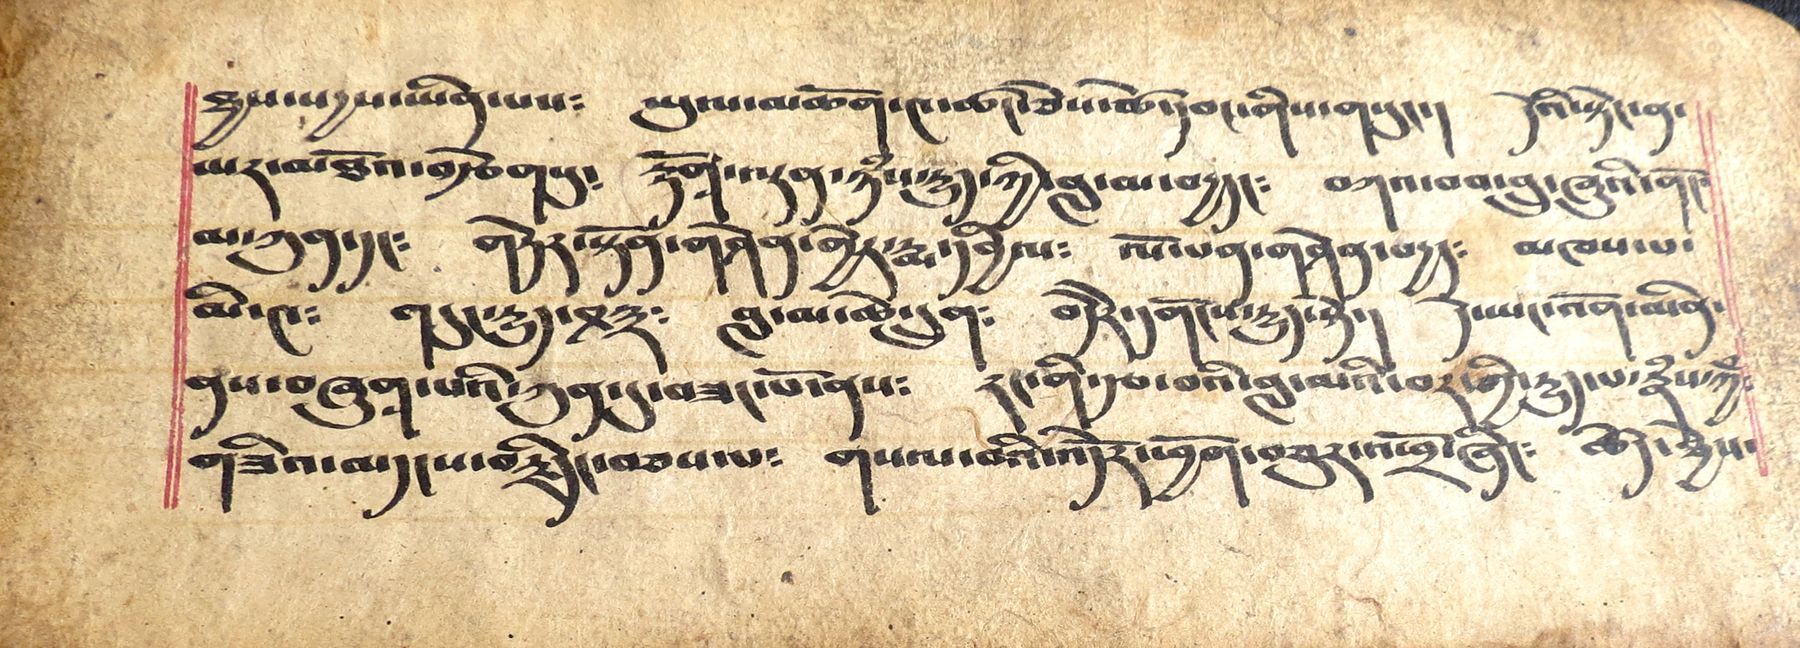ཐུགས་སངས་རྒྱས་ཡིན་པས་ཡུལ་མཆོག་བཞི་ཚངས། ཞེས་ཚེ་དབང་གིས་གསུངས། དེའི་སྟེང་ན་
ཡར་མཐོ་བརྩེགས་སུ་རྟོགས་ལྡན་ཉམས་བརྒྱུད་ཀྱི་བླ་མ་བརྒྱད་དང་། བཀའ་བབས་བྲུ་ཞུའི་གོང་
མ་ཀུན་དང་། གཏེར་སྟོན་གཤེན་གྱེར་རྨ་དབྱིལ་དང་། ལོ་པཎ་གཤེན་བརྒྱད། མཁས་པ་
མི་བཞི། གདུང་བརྒྱུད་བཅུ་གསུམ། བླ་མ་ཆེ་དྲུག བདེར་གཤེགས་དགོངས་བརྒྱུད་ཏེ། དེ་ཡང་འོག་མིན་
ན་བཞུགས་པའི་ཀུན་ཏུ་བཟང་པོ་ནས། རང་གི་རྩ་བའི་བླ་མའི་བར་གྱི་རྒྱུད་པ་རྣམས་ཀྱི་
གཟི་མདངས་བརྗིད་དང་ཆས་པ། གསལ་བའི་འོད་ཟེར་ཕྱོགས་བཅུར་འཕྲོ་ཞིང་། ཚད་མེད་ཀྱི་ཐུགས་རྗེས་